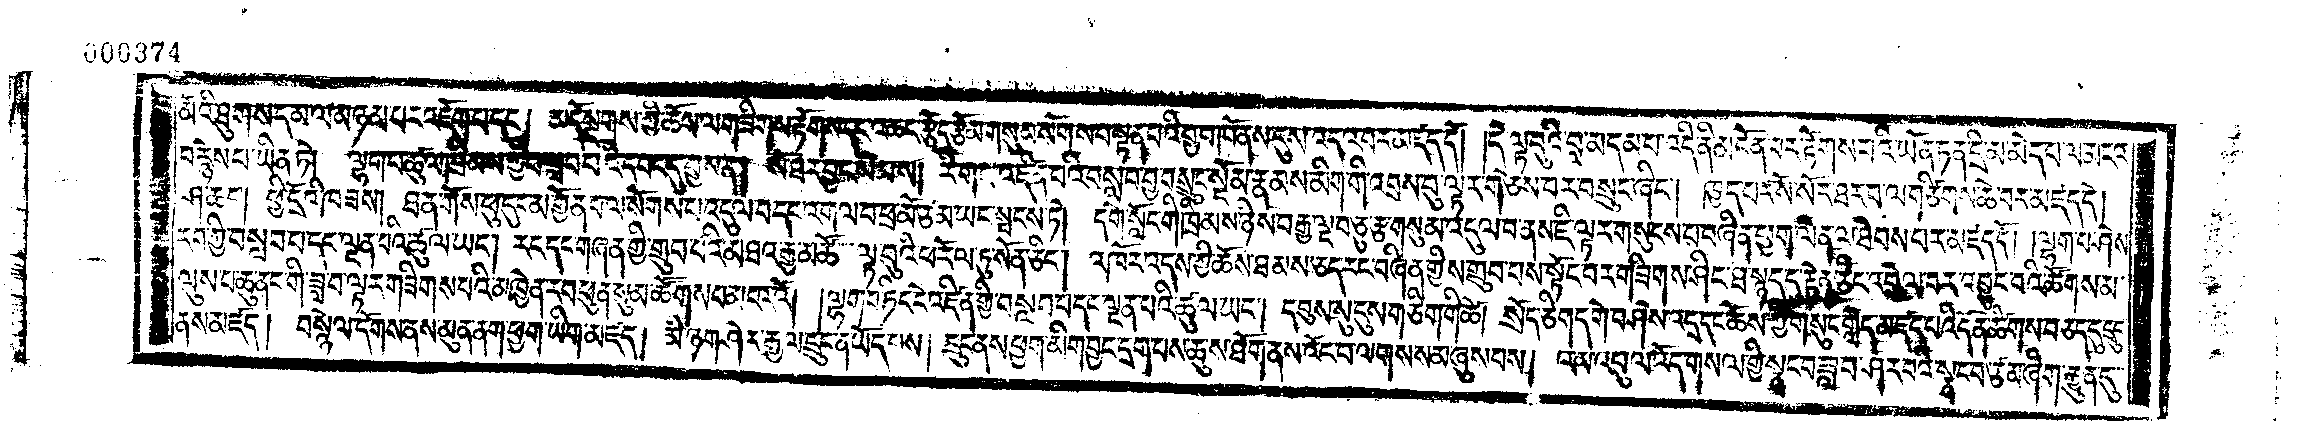མོའི་ཐུགས་དམ་ལ་མཉམ་པར་འཇོག་པ་དང་། མདོ་སྔགས་ཀྱི་ཆོས་ལ་གཟིགས་རྟོགས་དང་འཆང་རྩོད་རྩོམ་གསུམ་སོགས་བསྟན་པའི་བྱ་བ་ཁོ་ནས་དུས་འདའ་བར་མཛད་དོ། །དེ་ལྟ་བུའི་བླ་མ་དམ་པ་འདི་ནི་མངོན་པར་རྟོགས་པའི་ཡོན་ཏན་དྲི་མ་མེད་པ་ལ་མངལ་
བརྙེས་པ་ཡིན་ཏེ། ལྷག་བ་ཚུལ་ཁྲིམས་ཀྱི་བསླབ་པའི་དབང་དུ་བྱས་ན། སོ་ཐར་བྱང་སེམས། རིག་པ་འཛིན་པའི་བསླབ་བྱ་བསྲུང་སྡོམ་རྣམས་མིག་གི་འབྲས་བུ་ལྟར་གཅེས་པར་བསྲུང་ཞིང་། ཁྱད་པར་སོ་སོར་ཐར་པ་ལ་གཙིགས་ཆེ་བར་མཛད་དེ།
ཤ་ཆང་། ཕྱི་དྲོའི་ཁ་ཟས། ཐ་ན་གོས་ཕུ་དུང་མ་གྱོན་པ་ལ་སོགས་པ་འདུལ་བ་དང་འགལ་བ་ཕྲ་མོ་ཙམ་ཡང་སྤངས་ཏེ། དགེ་སློང་གི་ཁྲིམས་ཉིས་བརྒྱ་ལྔ་བཅུ་རྩ་གསུམ་འདུལ་བ་ནས་ཇི་ལྟར་གསུངས་པ་བཞིན་ཕྱག་ལེན་ལ་ཐེབས་པར་མཛད་དོ། །ལྷག་པ་ཤེས་
རབ་ཀྱི་བསླབ་པ་དང་ལྡན་པའི་ཚུལ་ཡང་། རང་དང་གཞན་གྱི་གྲུབ་པའི་མཐའ་རྒྱ་མཚོ་ལྟ་བུའི་ཕ་རོལ་ཏུ་སོན་ཅིང་། འཁོར་འདས་ཀྱི་ཆོས་ཐམས་ཅད་རང་བཞིན་གྱིས་གྲུབ་པས་སྟོང་པར་གཟིགས་ཤིང་ཐ་སྙད་དུ་རྟེན་ཅིང་འབྲེལ་བར་འབྱུང་བའི་ཚོགས་མ་
ལུས་པ་ཆུ་ནང་གི་ཟླ་བ་ལྟར་གཟིགས་པའི་མཁྱེན་རབ་ཕུན་སུམ་ཚོགས་པ་མངའ་འོ། །ལྷག་བཏིང་ངེ་འཛིན་གྱི་བསླབ་པ་དང་ལྡན་པའི་ཚུལ་ཡང་། དབུས་སུ་དུས་གཅིག་གི་ཚེ། སྲོད་ཅིག་དགེ་བཤེས་འདྲ་དང་ཆོས་ཀྱི་གསུང་གླེད་མཛད་པའི་དོན་ཚིགས་བཅད་དུ་དྲུང་
ནས་མཛད། བསྙེལ་དོགས་ནས་མུན་ནག་ཕྱག་ཡིག་མཛད། མི་ཉག་ཤེར་རྒྱལ་དྲུང་ན་ཡོད་བས། དྲུང་ནས་ཕྱག་ཡིག་བྱང་དྲག་པས་རྒྱུས་ཐོག་ནས་འོད་བ་ལགས་སམ་ཞུས་པས། འམ་འབུ་ལ་འོད་གསལ་གྱི་སྣད་བ་ཟླ་བ་ཤར་བའི་སྣང་བ་ཙམ་ཞིག་རྒྱུན་དུ་